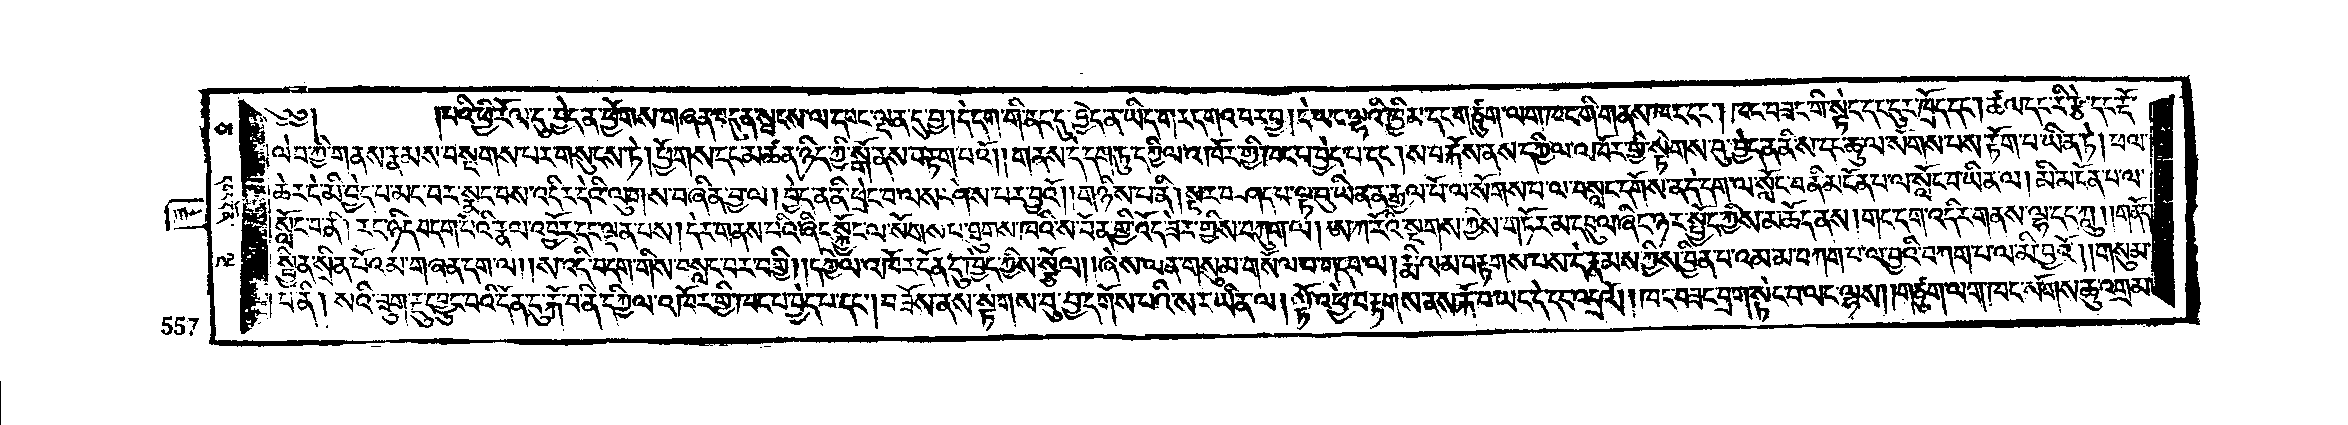༄༅། །པའི་ཕྱི་རོལ་དུ་བྱེད་ན་ཕྱོགས་གཞན་བདུན་སྤངས་ལ་དབང་ལྡན་དུ་བྱ། དེ་དག་གི་ནང་དུ་བྱེད་ན་ཡིད་གར་དགའ་བར་བྱ། དེ་ཡང་ལྷའི་ཁྱིམ་དང་གཙུག་ལག་ཁང་གི་གནས་ཁང་དང་། ཁང་བཟང་གི་སྟེང་དང་དུར་ཁྲོད་དང་། ཚལ་དང་རི་རྩེ་དང་རྡོ་
ལེབ་ཀྱི་གནས་རྣམས་བསྔགས་པར་གསུངས་ཏེ། ཕྱོགས་དང་མཚན་ཉིད་ཀྱི་སྒོ་ནས་བརྟག་པའོ། །གནས་དེ་དག་ཏུ་དཀྱིལ་འཁོར་གྱི་ཁང་པ་བྱེད་པ་དང་། ས་བརྐོས་ནས་དཀྱིལ་འཁོར་གྱི་སྟེགས་བུ་བྱེད་ན་ནི་ས་དང་ཆུ་ལ་སོགས་པས་རྟོག་པ་ཡིན་ཏེ། ཕལ་
ཆེར་དེ་མི་བྱེད་པ་མང་བར་སྣང་བས་འདིར་དེའི་ལུགས་བཞིན་བྱ་ལ། བྱེད་ན་ནི་ཕྲེང་བ་ལས་ཤེས་པར་བྱའོ། །གཉིས་པ་ནི། སྔར་བཤད་པ་ལྟ་བུ་ཡིན་ན་རྒྱལ་པོ་ལ་སོགས་པ་ལ་བསླང་དགོས་ན་དེ་དག་ལ་སློང་བ་ནི་མངོན་པ་ལ་སློང་བ་ཡིན་ལ། མི་མངོན་པ་ལ་
སློང་བ་ནི། རང་ཉིད་བདག་པོའི་རྣལ་འབྱོར་དང་ལྡན་པས། དེར་གནས་པའི་ཞིང་སྐྱོང་ལ་སོགས་པ་ཐུགས་ཁའི་ས་བོན་གྱི་འོད་ཟེར་གྱིས་བཀུག་ལ། ཨ་ཀ་རོའི་སྔགས་ཀྱིས་གཏོར་མ་དབུལ་ཞིང་ཉེར་སྤྱོད་ཀྱིས་མཆོད་ནས། གང་དག་འདིར་གནས་ལྷ་དང་ཀླུ། །གནོད་
སྦྱིན་སྲིན་པོའམ་གཞན་དག་ལ། །ས་འདི་བདག་གིས་བསླང་བར་བགྱི། །དཀྱིལ་འཁོར་དོན་དུ་ཁྱེད་ཀྱིས་སྩོལ། །ཞེས་ལན་གསུམ་གསོལ་བ་གདབ་ལ། རྨི་ལམ་བརྟགས་པས་དེ་རྣམས་ཀྱིས་བྱིན་པ་འམ་མ་བཀག་པ་ལ་བྱའི་བཀག་པ་ལ་མི་བྱའོ། །གསུམ་
པ་ནི། སའི་ཟུག་རྔུ་དབྱུང་བའི་དོན་དུ་རྐོ་བ་ནི་དཀྱིལ་འཁོར་གྱི་ཁང་པ་བྱེད་པ་དང་། བརྐོས་ནས་སྟེགས་བུ་བྱ་དགོས་པའི་སར་ཡིན་ལ། ལྟོ་འཕྱེ་བརྟགས་ནས་རྐོ་བ་ཡང་དེ་དང་འདྲའོ། །ཁང་བཟང་བྲག་སྟེང་བ་ལང་ལྷས། །གཙུག་ལག་ཁང་སོགས་ཆུ་འགྲམ་